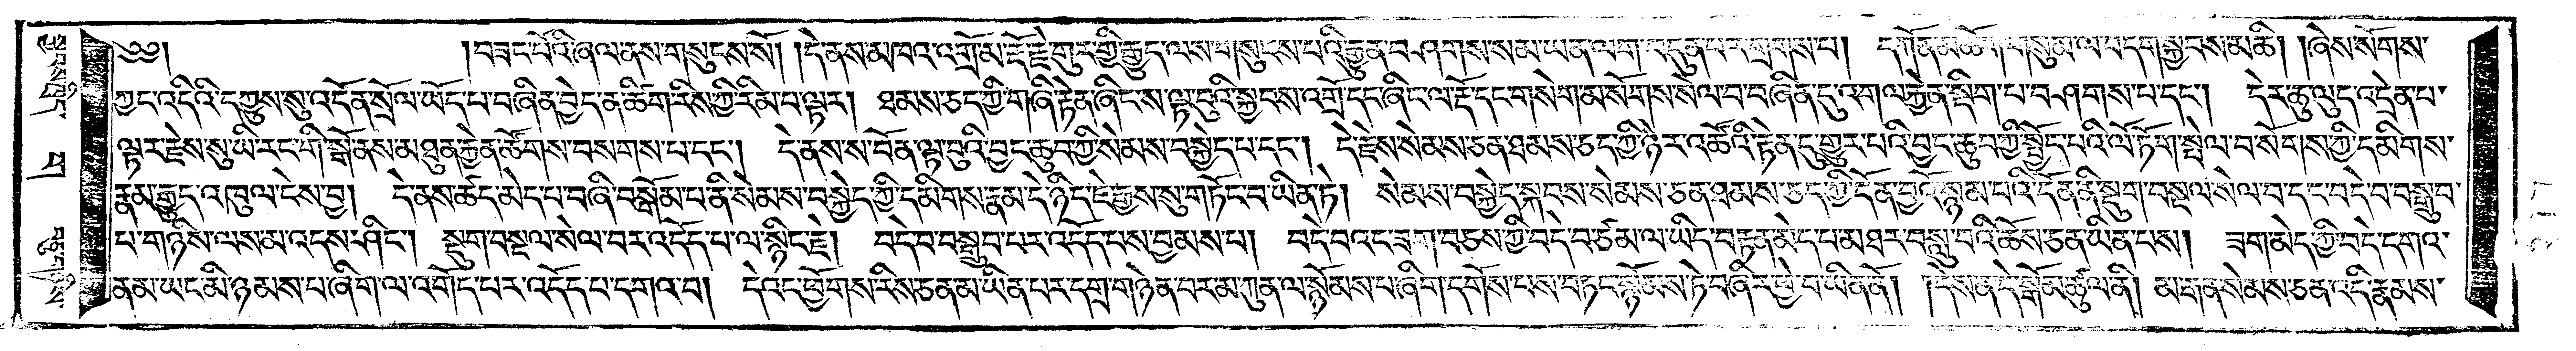༄༅། །བཟང་པོའི་ཞལ་ནས་གསུངས་སོ། །དེ་ནས་མཁའ་འགྲོ་མ་རྡོ་རྗེ་གུར་གྱི་རྒྱུད་ལས་གསུངས་པའི་རྒྱུན་བཤགས་སམ་ཡན་ལག་བདུན་པར་གྲགས་པ། དཀོན་མཆོག་གསུམ་ལ་བདག་སྐྱབས་མཆི། །ཞེས་སོགས་
ཀྱང་འདིའི་དཀྱུས་སུ་འདོན་སྲོལ་ཡོད་པ་བཞིན་བྱེད་ན་ཚིག་རིས་ཀྱི་རིམ་པ་ལྟར། ཐམས་ཅད་ཀྱི་གཞི་རྟེན་ཞིང་ས་ལྟ་བུའི་སྐྱབས་འགྲོ་དང་ཞིང་ལ་རྡོ་དང་གསེག་མ་སོགས་སེལ་བ་བཞིན་དུ་འགལ་རྐྱེན་སྡིག་པ་བཤགས་པ་དང་། དེར་ཆུ་ལུད་འདྲེན་པ་
ལྟར་རྗེས་སུ་ཡི་རང་གི་སྒོ་ནས་མཐུན་རྐྱེན་ཚོགས་བསགས་པ་དང་། དེ་ནས་ས་བོན་ལྟ་བུའི་བྱང་ཆུབ་ཀྱི་སེམས་བསྐྱེད་པ་དང་། དེ་རྗེས་སེམས་ཅན་ཐམས་ཅད་ཀྱི་ཉེར་འཚོའི་རྟེན་དུ་གྱུར་པའི་བྱང་ཆུབ་ཀྱི་སྤྱོད་པའི་ལོ་ཏོག་སྤེལ་བ་སོགས་ཀྱི་དམིགས་
རྣམ་རྒྱུད་འཁུལ་ངེས་བྱ། དེ་ནས་ཚད་མེད་པ་བཞི་བསྒོམ་པ་ནི་སེམས་བསྐྱེད་ཀྱི་དམིགས་རྣམ་དེ་ཉིད་ཇེ་རྒྱས་སུ་གཏོང་བ་ཡིན་ཏེ། སེམས་བསྐྱེད་སྐབས་སེམས་ཅན་ཐམས་ཅད་ཀྱི་དོན་བྱའོ་སྙམ་པའི་དོན་ནི་སྡུག་བསྔལ་སེལ་བ་དང་བདེ་བ་བསྒྲུབ་
པ་གཉིས་ལས་མ་འདས་ཤིང་། སྡུག་བསྔལ་སེལ་བར་འདོད་པ་ལ་སྙིང་རྗེ། བདེ་བ་བསྒྲུབ་པར་འདོད་པས་བྱམས་པ། བདེ་བའང་ཟག་བཅས་ཀྱི་བདེ་བ་ཙམ་ལ་ཡིད་བརྟན་མེད་པ་མཐར་བསླུ་བའི་ཆོས་ཅན་ཡིན་པས། ཟག་མེད་ཀྱི་བདེ་དགའ་
ནམ་ཡང་མི་ཉམས་པ་ཞིག་ལ་འགོད་པར་འདོད་པ་དགའ་བ། དེའང་ཕྱོགས་རིས་ཅན་མ་ཡིན་པར་དགྲ་གཉེན་པར་མ་ཀུན་ལ་སྙོམས་པ་ཞིག་དགོས་པས་བཏང་སྙོམས་ཏེ་བཞིར་ཕྱེ་བ་ཡིན་ནོ། །དེས་ན་དེ་སྒོམ་ཚུལ་ནི། མརྒན་སེམས་ཅན་འདི་རྣམས་